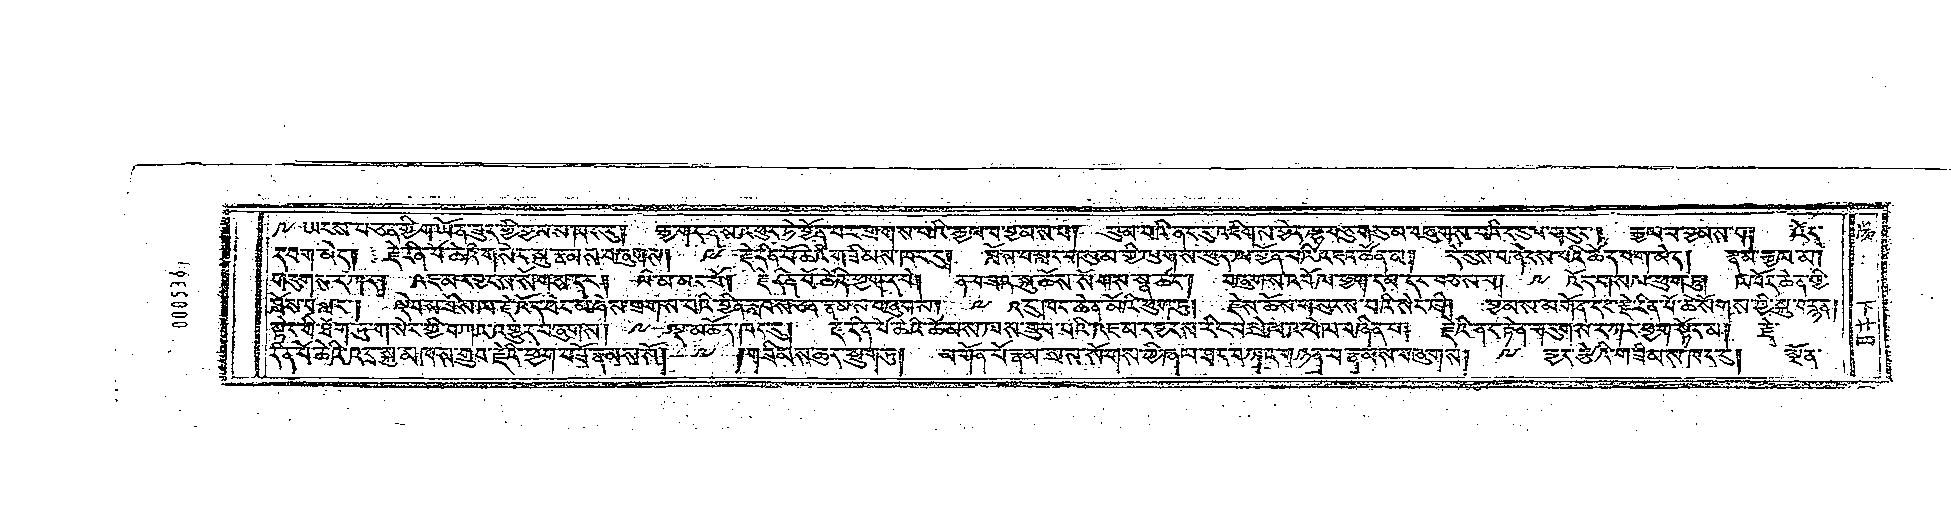༧་ཡངས་པ་ཅན་གྱི་གཡོན་ཟུང་གྱི་བྱམས་ཁང་དུ། རྒྱ་གར་ནས་འཕུར་ཏེ་བྱོན་པར་གྲགས་པའི་རྒྱལ་བ་བྱམས་པ། བུམ་པའི་ནང་དུ་འཇིགས་བྱེད་ལྷ་བཅུ་གསུམ་བཞུགས་པའི་དངུལ་གདུང་། རྒྱལ་བ་བྱམས་པ། འོད་
དཔག་མེད། རྗེ་རིན་པོ་ཆེའི་གསེར་སྐུ་རྣམས་བཞུགས། ༧་རྗེ་རིན་པོ་ཆེའི་གཟིམས་ཁང་དུ། བློས་བསླང་གསུམ་གྱི་ལུགས་ཕུད་ལ་བྱོན་པའི་འཇའ་ཚོན་མ། དེ་དུས་བཞེངས་པའི་ཚེ་དཔག་མེད། རྣམ་རྒྱལ་མ།
གདུགས་དཀར། འཇམ་དབྱངས་སོགས་དང་། ལི་མ་མང་པོ། རྗེ་རིན་པོ་ཆེའི་ཕྱག་དཔེ། ན་བཟའ་སྐུ་ཆོས་སོགས་སྣ་ཚར། བཞུགས་འབོལ་ཕྱག་དམ་དང་བཅས་པ། ༧་འོད་གསལ་ཕུག་ཏུ། འཁོར་ཆེན་གྱི་
བློས་བསླད། ལྡེབས་བྲིས་ལ་རྗེ་འོད་ཕེར་མ་ཞེས་གྲགས་པའི་བྱིན་རླབས་ཅན་རྣམས་བཞུགས། ༧་འདུ་ཁང་ཆེན་མོའི་ཕུག་ཏུ། རྗེས་ཆོས་གསུངས་པའི་སེང་ཁྲི། བྱམས་མགོན་དང་རྗེ་རིན་པོ་ཆེ་སོགས་ཀྱི་སྐུ་བརྙན།
སྟེང་གི་ཐོག་ཏུ་གསེར་གྱི་བཀའ་འགྱུར་བཞུགས། ༧་སྔ་མཆོད་ཁང་དུ། རྗེ་རིན་པོ་ཆེའི་ཚེམས་ལས་གྲུབ་པའི་འཇམ་དབྱང་རིང་བསྲེལ་འཕེལ་བཞིན་པ། རྗེའི་ནང་རྟེན་གདུགས་དཀར་ཕྱག་སྟོང་མ། རྗེ་
རིན་པོ་ཆེའི་འདྲ་སྐུ་མཁས་གྲུབ་རྗེའི་ཕྱག་བཟོ་རྣམས་སོ། ༧་།གཟིམས་ཆུད་སྤུག་ཏུ། མགོན་པོ་རྣམ་སྲས་སོགས་ཀྱི་ཞལ་ཐང་བཀའ་གཉན་པ་རྣམས་བཞུགས། ༧་བྱང་རྩེའི་གཟིམས་ཁང་དུ། སྔོན་